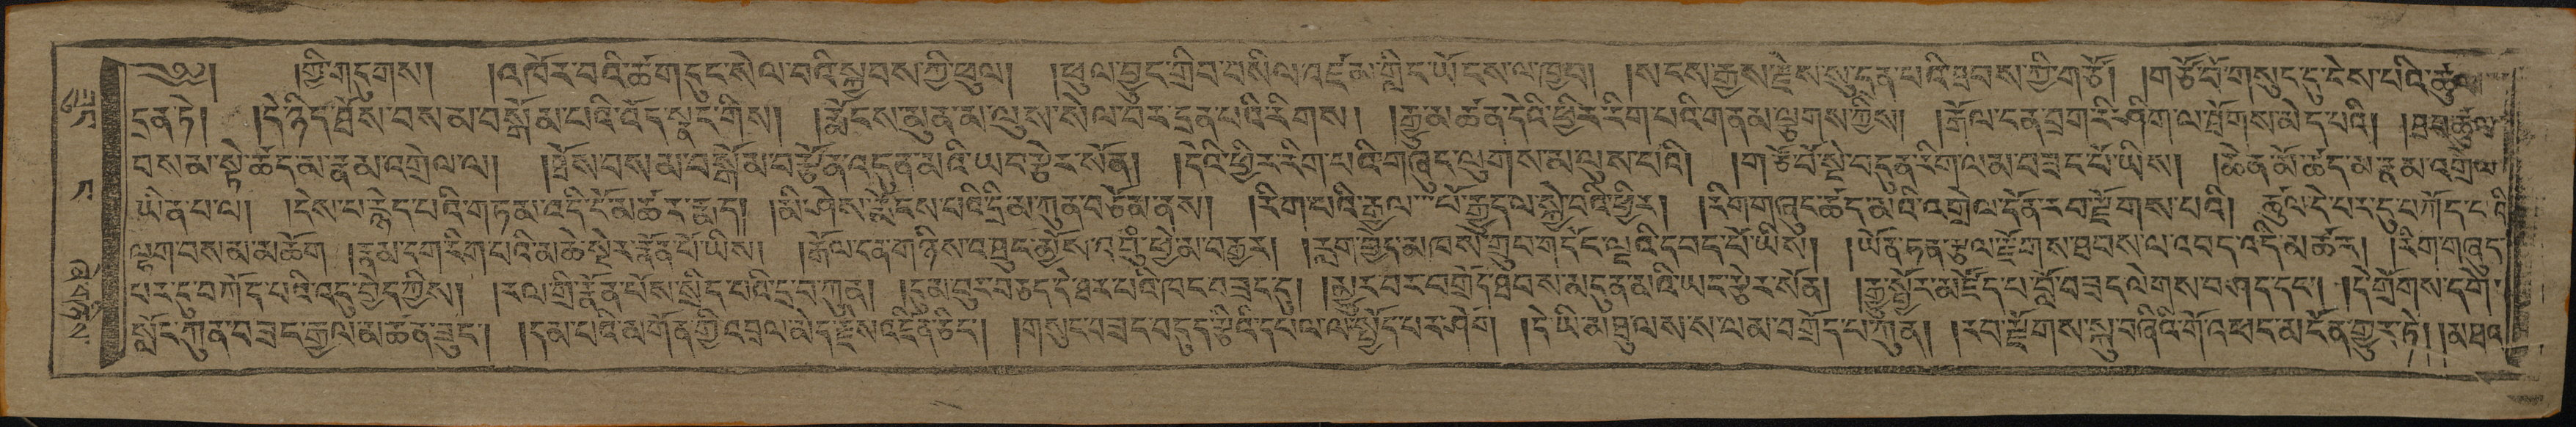༄༅། །གྱི་གདུགས། །འཁོར་བའི་ཚ་གདུང་སེལ་བའི་སྐྱབས་ཀྱི་ཕུལ། །ཕུལ་བྱུང་གྲིབ་བསིལ་འཛམ་གླིང་ཡོངས་ལ་ཁྱབ། །སངས་རྒྱས་རྗེས་སུ་དྲན་པའི་ཐབས་ཀྱི་གཙོ། །གཙོ་བོ་གསུང་དུ་ངེས་པའི་ཚུལ་
དྲན་ཏེ། །དེ་ཉིད་ཐོས་བསམ་སྒོམ་པའི་འོད་སྣང་གིས། །རྨོངས་མུན་མ་ལུས་སེལ་བར་དྲན་པའི་རིགས། །རྒྱུ་མཚན་དེའི་ཕྱིར་རིག་པའི་གནམ་ལྕགས་ཀྱིས། །རྒོལ་ངན་བྲག་རི་ཤིག་ལ་ཐོགས་མེད་པའི། །ཐབས་ཚུལ་
བསམ་སྟེ་ཚད་མ་རྣམ་འགྲེལ་ལ། །ཐོས་བསམ་སྒོམ་བརྩོན་འདུན་མའི་ཡང་རྩེར་སོན། །དེའི་ཕྱིར་རིགས་པའི་གཞུང་ལུགས་མ་ལུས་པའི། །གཙོ་བོ་སྔེ་བདུན་རིགས་ལམ་བཟང་པོ་ཡིས། །ཆེན་མོ་ཚད་མ་རྣམ་འགྲེལ་
ཡིན་པ་ལ། །ངེས་པ་རྙེད་པའི་གཏམ་འདི་ངོ་མཚར་རྨད། །མི་ཤེས་རྨོངས་པའི་དྲི་མ་ཀུན་བཅོམ་ནས། །རིགས་པའི་རྒྱལ་པོ་རྒྱུད་ལ་སྐྱེ་བའི་ཕྱིར། །རིག་གཞུང་ཚད་མའི་འགྲེལ་དོན་རབ་རྫོགས་པའི། ཚུལ་དེ་པར་དུ་བཀོད་པའི་
ལྷག་བསམ་མཆོག །རྣམ་དག་རིགས་པའི་མཆེ་སྡེར་རྣོན་པོ་ཡིས། །རྒོལ་ངན་གཉིས་འཐུང་མྱོས་བུམ་ཕྱེ་མ་བརྒྱར། །རླག་བྱེད་མཁས་གྲུབ་གདོང་ལྔའི་དབང་པོ་ཡིས། །ཡོན་ཏན་རྩལ་རྫོགས་ཐབས་ལ་འབད་འདི་མཚར། །རིག་གཞུང་
པར་དུ་བཀོད་པའི་འདུ་བྱེད་ཀྱིས། །རལ་གྲི་རྣོན་པོས་སྲིད་པའི་དྲ་བ་ཀུན། །དུམ་བུར་བཅད་དེ་ཐར་པའི་ཁང་བཟང་དུ། །མྱུར་བར་བགྲོད་ཐབས་འདུན་མའི་ཡང་རྩེར་སོན། །རྒྱུ་སྦྱོར་མཛོད་པ་བློ་བཟང་ལེགས་བཤད་དང་། །དེ་གྲོགས་དགེ་
སློང་ཀུན་བཟང་རྒྱལ་མཚན་ཟུང་། །དམ་པའི་མགོན་གྱི་འབྲལ་མེད་རྗེས་འཛིན་ཅིང་། །གསུང་བཟང་བདུད་རྩིའི་དཔལ་ལ་སྤྱོད་པར་ཤོག །དེ་ཡི་མཐུ་ལས་ས་ལམ་བགྲོད་པ་ཀུན། །རབ་རྫོགས་སྐུ་བཞིའི་གོ་འཕང་མངོན་གྱུར་ཏེ། །མཐའ་